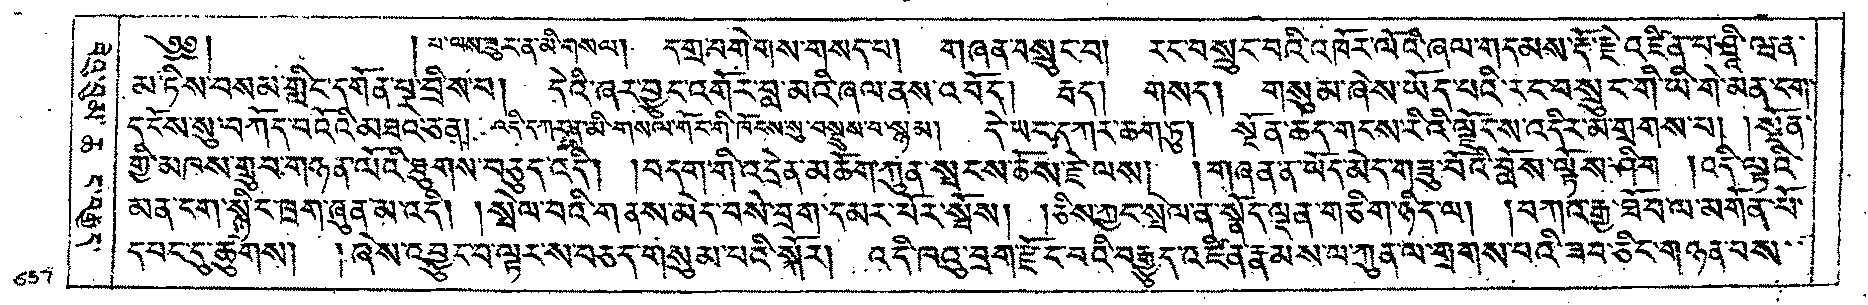༄༅། །པ་ལས་ཟུར་ན་མི་གསལ། དགྲ་བགེགས་གསད་པ། གཞན་བསྲུང་བ། རང་བསྲུང་བའི་འཁོར་ལོའི་ཞལ་གདམས་རྡོ་རྗེ་འཛིན་པ་ཤྲཱི་ཝན་
མ་ཏིས་བསམ་གླིང་དགོན་པར་བྲིས་པ། དེའི་ཞར་བྱུང་འགོར་བླ་མའི་ཞལ་ནས་འབོད། རྦད། གསད། གསུམ་ཞེས་ཡོད་པའི་རང་བསྲུང་གི་ཡི་གེ་མན་ངག་
དངོས་སུ་བཀོད་བའོའི་མཐའ་ཅན། འདི་དཀར་ཆག་ན་མི་གསལ་གོང་གི་ཁོངས་སུ་བསྡུས་པ་སྙམ།  དེ་ཡང་དཀར་ཆག་ཏུ། སྔོན་ཆད་གངས་རིའི་ལྗོངས་འདིར་མ་གྲགས་པ། །སྔོན་
གྱི་མཁས་གྲུབ་གཉན་ལོའི་ཐུགས་བཅུད་འདི། །བདག་གི་འདྲེན་མཆོག་ཀུན་སྤངས་ཆོས་རྗེ་ལས། །གཞན་ན་ཡོད་མེད་གཟུ་བོའི་བློས་ལྟོས་ཤིག །འདི་ལྟའི་
མན་ངག་སྙིང་ཁྲག་ཞུན་མ་འདི། །སྤེལ་བའི་གནས་མེད་བསེ་བྲག་དམར་པོར་སྦོས། །ཅིས་ཀྱང་སྤེལ་ན་སྣོད་ལྡན་གཅིག་ཉིད་ལ། །བཀའ་རྒྱ་ཐོབ་ལ་མགོན་པོ་
དཔང་དུ་ཚུགས། །ཞེས་འབྱུང་བ་ལྟར་ས་བཅད་གསུམ་པའི་སྐོར། འདི་ཁའུ་བྲག་རྫོང་བའི་བརྒྱུད་འཛིན་རྣམས་ལ་ཀུན་ལ་གྲགས་པའི་ཟབ་ཅིང་གཉན་པས་